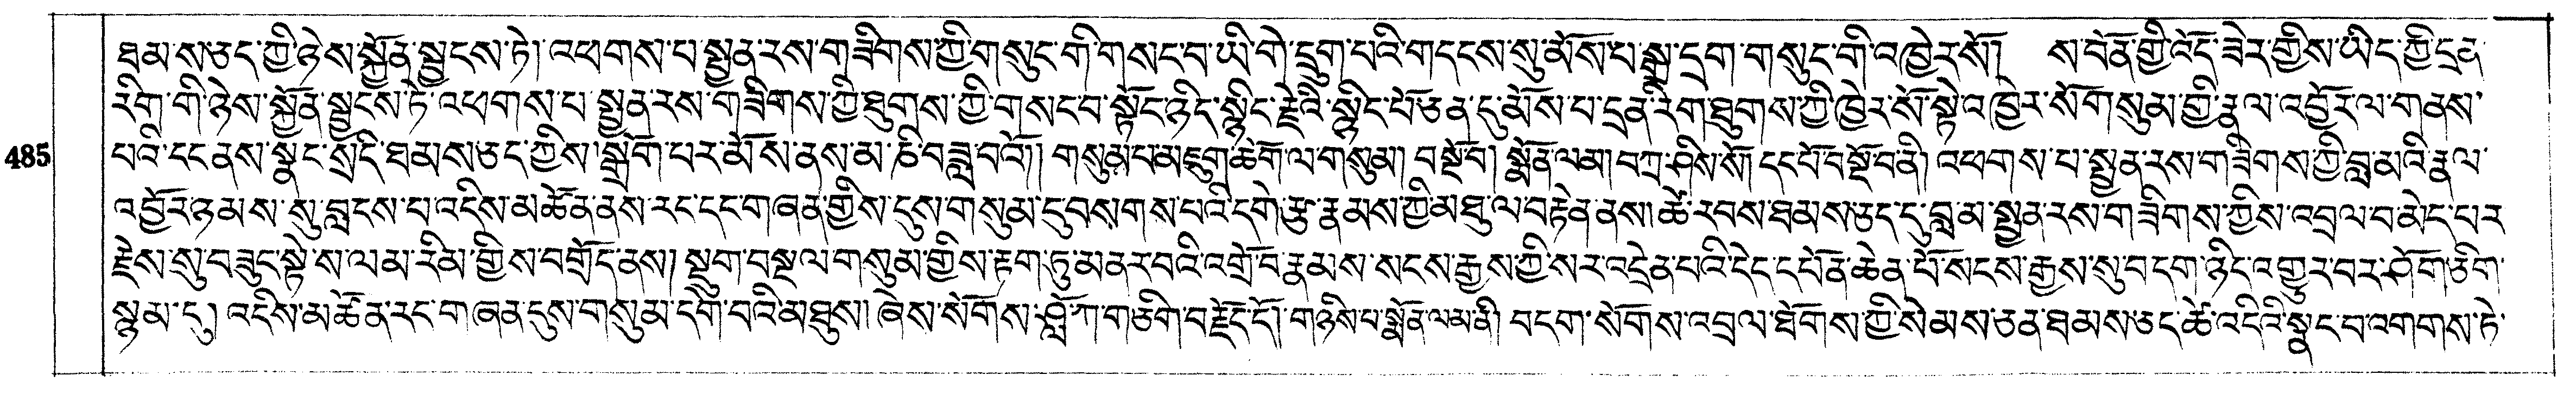ཐམས་ཅད་ཀྱི་ཉེས་སྐྱོན་སྦྱངས་ཏེ། འཕགས་པ་སྤྱན་རས་གཟིགས་ཀྱི་གསུང་གི་གསང་བ་ཡི་གེ་དྲུག་པའི་གདངས་སུ་མོས་པ་སྒྲ་དྲག་གསུང་གི་འཁྱེར་སོ། ས་བོན་གྱི་འོད་ཟེར་གྱིས་ཡིད་ཀྱི་དྲན་
རིག་གི་ཉེས་སྐྱོན་སྦྱངས་ཏེ་འཕགས་པ་སྤྱན་རས་གཟིགས་ཀྱི་ཐུགས་ཀྱི་གསང་བ་སྟོང་ཉིད་སྙིང་རྗེའི་སྙིང་པོ་ཅན་དུ་མོས་པ་དྲན་རིག་ཐུགས་ཀྱི་ཁྱེར་སོ་སྟེ་འཁྱེར་སོ་གསུམ་གྱི་རྣལ་འབྱོར་ལ་གནས་
པའི་ངང་ནས་སྣང་སྲིད་ཐམས་ཅད་ཀྱིས་སྒྲོག་པར་མོས་ནས་མ་ཎི་བཟླ་བའོ། །གསུམ་པ་མཇུག་ཆོག་ལ་གསུམ། སྨོན་ལག། བཀྲ་ཤིས་སོ། །དང་པོ་བསྔོ་བ་ནི། འཕགས་པ་སྤྱན་རས་གཟིགས་ཀྱི་བླ་མའི་རྣལ་
འབྱོར་ཉམས་སུ་བླངས་པ་འདིས་མཚོན་ནས་རང་དང་གཞན་གྱིས་དུས་གསུམ་དུ་བསགས་པའི་དགེ་རྩ་རྣམས་ཀྱི་མཐུ་ལ་བརྟེན་ནས། ཚེ་རབས་ཐམས་ཅད་དུ་བླ་མ་སྤྱན་རས་གཟིགས་ཀྱིས་འབྲལ་བ་མེད་པར་
རྗེས་སུ་བཟུང་སྟེ་ས་ལམ་རིམ་གྱིས་བགྲོད་ནས། སྡུག་བསྔལ་གསུམ་གྱིས་རྟག་ཏུ་མནར་བའི་འགྲོ་བ་རྣམས་སངས་རྒྱས་ཀྱི་སར་འདྲེན་པའི་དེད་དཔོན་ཆེན་པོ་སངས་རྒྱས་སུ་བདག་ཉིད་འགྱུར་བར་ཤོག་ཅིག་
སྙམ་དུ། འདིས་མཚོན་རང་གཞན་དུས་གསུམ་དགེ་བའི་མཐུས། ཞེས་སོགས་ཤློ་ཀ་གཅིག་བརྗོད་དོ། གཉིས་པ་སྨོན་ལམ་ནི།  བདག་སོགས་འབྲལ་ཐོགས་ཀྱི་སེམས་ཅན་ཐམས་ཅད་ཚེ་འདིའི་སྣང་བ་འགགས་ཏེ་